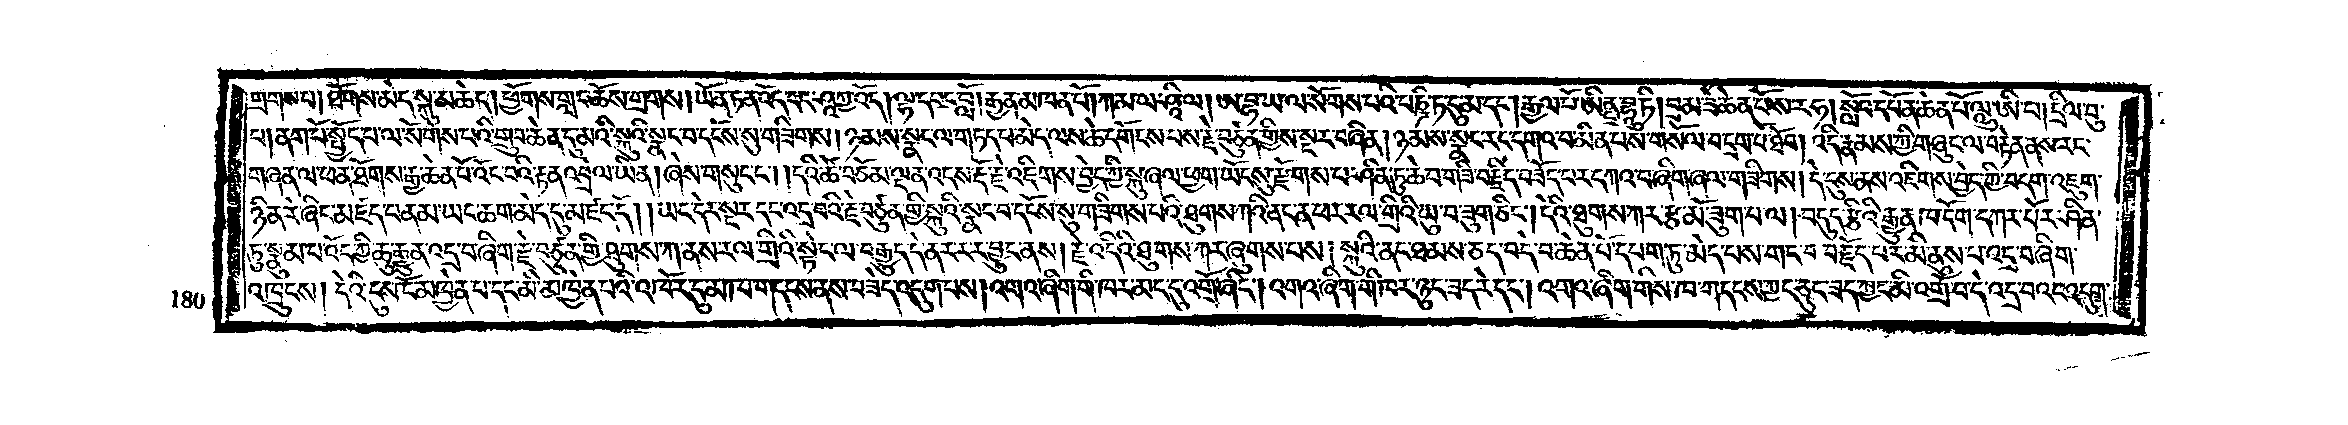གྲགས་པ། ཐོགས་མེད་སྐུ་མཆེད། ཕྱོགས་གླང་ཆོས་གྲགས། ཡོན་ཏན་འོད་དང་ཤཱཀྱ་འོད། ལྷ་དབང་བློ། རྒྱན་མཁན་པོ། ཀ་མ་ལ་ཤཱི་ལ། ཨ་བྷ་ཡ་ལ་སོགས་པའི་པཎྜི་ཏ་དུ་མ་དང་། རྒྱལ་པོ་ཨིནྡྲ་བྷཱུ་ཏི། བྲམ་ཟེ་ཆེན་པོས་ར་ཧ། སློབ་དཔོན་ཆེན་པོ་ལཱུ་ཨི་པ། དྲིལ་བུ་
པ། ནག་པོ་སྤྱོད་པ་ལ་སོགས་པའི་གྲུབ་ཆེན་དུ་མའི་སྐུའི་སྣང་བ་དངོས་སུ་གཟིགས། ཉམས་སྣང་ལ་གཏད་ཕ་མེད་ལས་ཆེ་དགོངས་པས་རྗེ་བཙུན་གྱིས་སྔར་བཞིན། ཉམས་སྣང་རང་དགའ་བ་མིན་པས་གསོལ་བ་དྲག་པོ་ཐོབ། འདི་རྣམས་ཀྱི་གཞུང་ལ་བརྟེན་ནས་རང་
གཞན་ལ་ཕན་ཐོགས་རྒྱ་ཆེན་པོ་འོང་བའི་རྟན་འབྲེལ་ཡིན། ཞེས་གསུང་ང་། །དའི་ཚེ་བཅོམ་ལྡན་འདས་རྡོ་རྗེ་འཇིགས་བྱེད་ཀྱི་སྐུ་ཞལ་ཕྱག་ཡོངས་སུ་རྫོགས་པ་ཤིན་ཏུ་ཆེ་བ་གཟི་བརྗིད་བཟོད་པར་དཀའ་བ་ཞིག་ཞལ་གཟིགས། དེ་དུས་ནས་འཇིགས་བྱེད་ཀྱི་བདག་འཇུག་
ཉིན་རེ་ཞིང་མཛད་པ་ནམ་ཡང་ཆག་མེད་དུ་མཛད་དོ། །ཡང་དེར་སྔར་དང་འདྲ་བའི་རྗེ་བཙུན་གྱི་སྐུའི་སྣང་བ་དངོས་སུ་གཟིགས་པའི་ཐུགས་ཀའི་ནང་ན་ཕར་རལ་གྲིའི་ཡུ་བ་ཟུག་ཅིང་། དེའི་ཐུགས་ཀར་རྩ་མོ་ཟུག་པ་ལ། བདུད་རྩིའི་རྒྱུན་ཁ་དོག་དཀར་པོར་ཤིན་
ཏུ་སྣུམ་པ་འོད་ཀྱི་ཆུ་རྒྱུན་འདྲ་བ་ཞིག་རྗེ་བཙུན་གྱི་ཐུགས་ཀ་ནས་རལ་གྲིའི་སྟེང་ལ་བརྒྱུད་དེ་ནར་ར་ར་བྱུང་ནས། རྗེ་འདིའི་ཐུགས་ཀར་ཞུགས་པས། སྐུའི་ནང་ཐམས་ཅད་བདེ་བ་ཆེན་པོ་དཔག་ཏུ་མེད་པས་གང་བ་བརྗོད་པར་མི་ནུས་པ་འདྲ་བ་ཞིག་
འཁྲུངས། དེའི་དུས་ངོ་མཁྱེན་པ་དང་མི་མཁྱེན་པའི་འཁོར་དུ་མ་ཁ་གདངས་ནས་བཟེད་འདུག་པས། འགའ་ཞིག་གི་ཁར་མང་དུ་འགྲོ་ཞིང་། འགའ་ཞིག་གི་ཁར་ཉུང་ཟད་རེ་དང་། འགའ་ཞིག་གིས་ཁ་གདངས་ཀྱང་ཅུང་ཟད་ཀྱང་མི་འགྲོ་བ་དེ་འདྲ་བའང་འདུག་